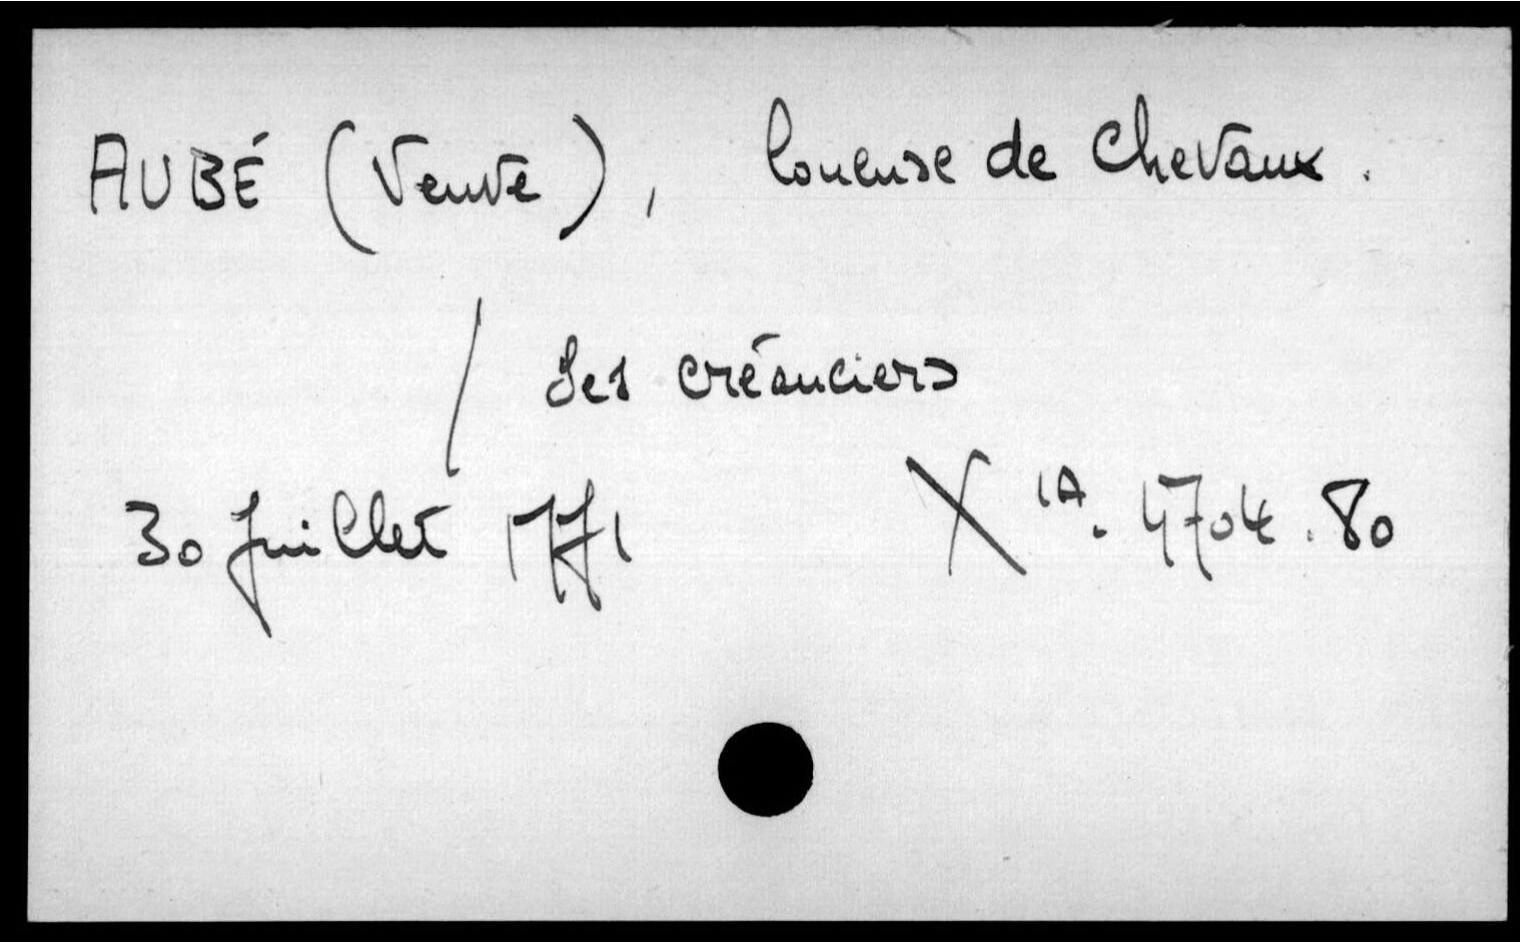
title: AUBÉ (Veuve), loueuse de Chevaux
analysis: Contre ses créanciers
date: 30 juillet 1771
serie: X1A
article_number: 4704
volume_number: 80
